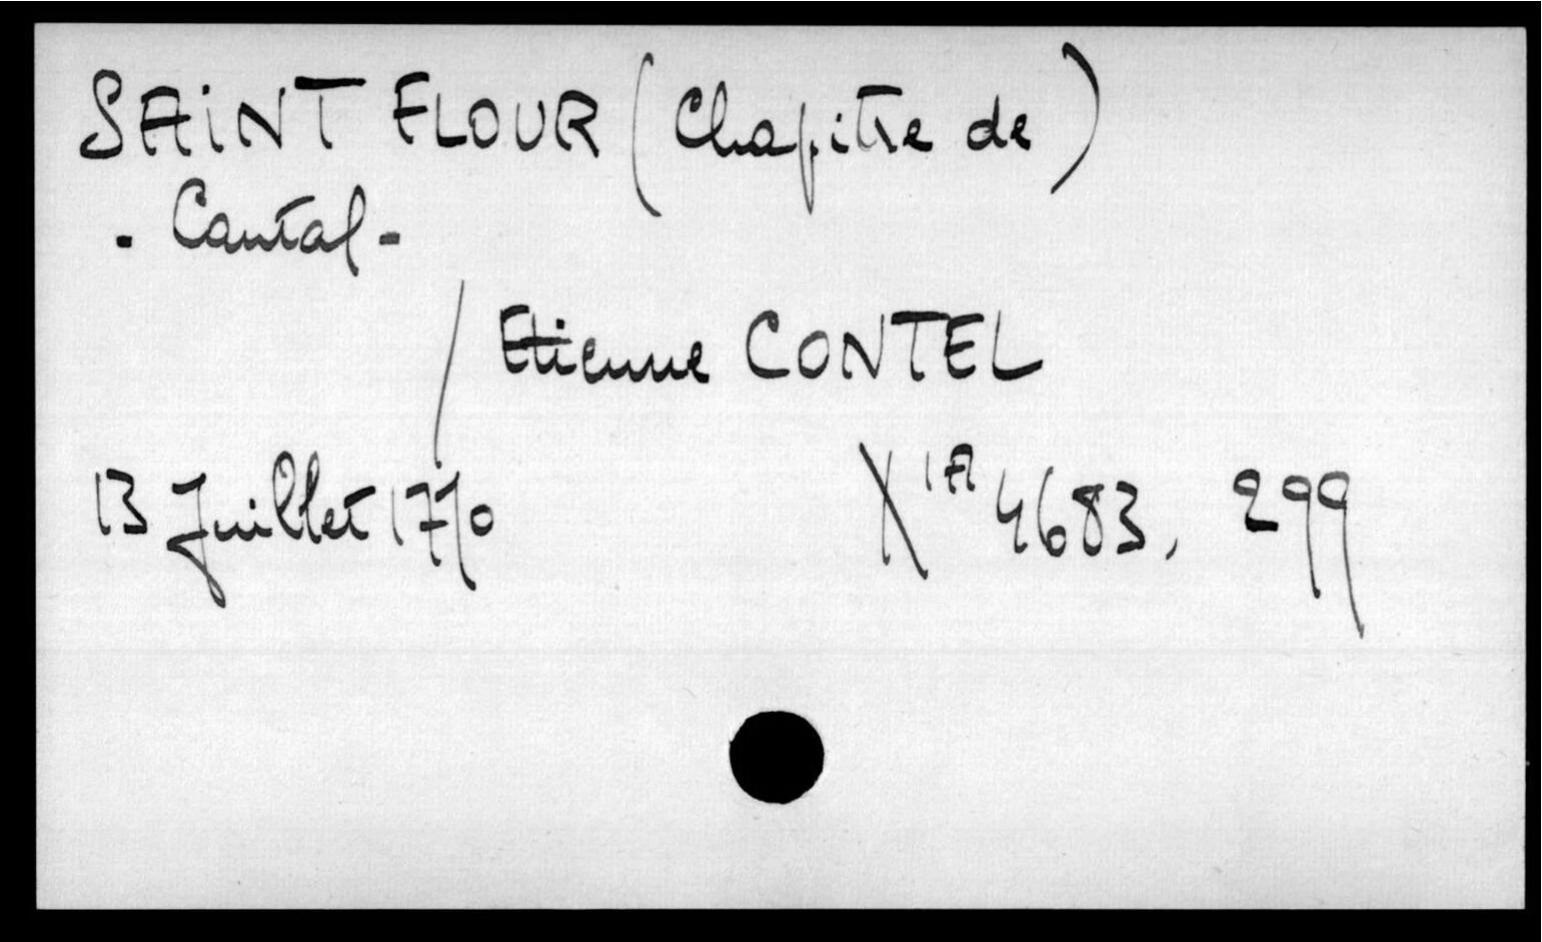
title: SAINT FLOUR (Chapitre de) - Cantal -
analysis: Contre Étienne CONTEL
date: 13 juillet 1770
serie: X1A
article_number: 4683
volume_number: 299
